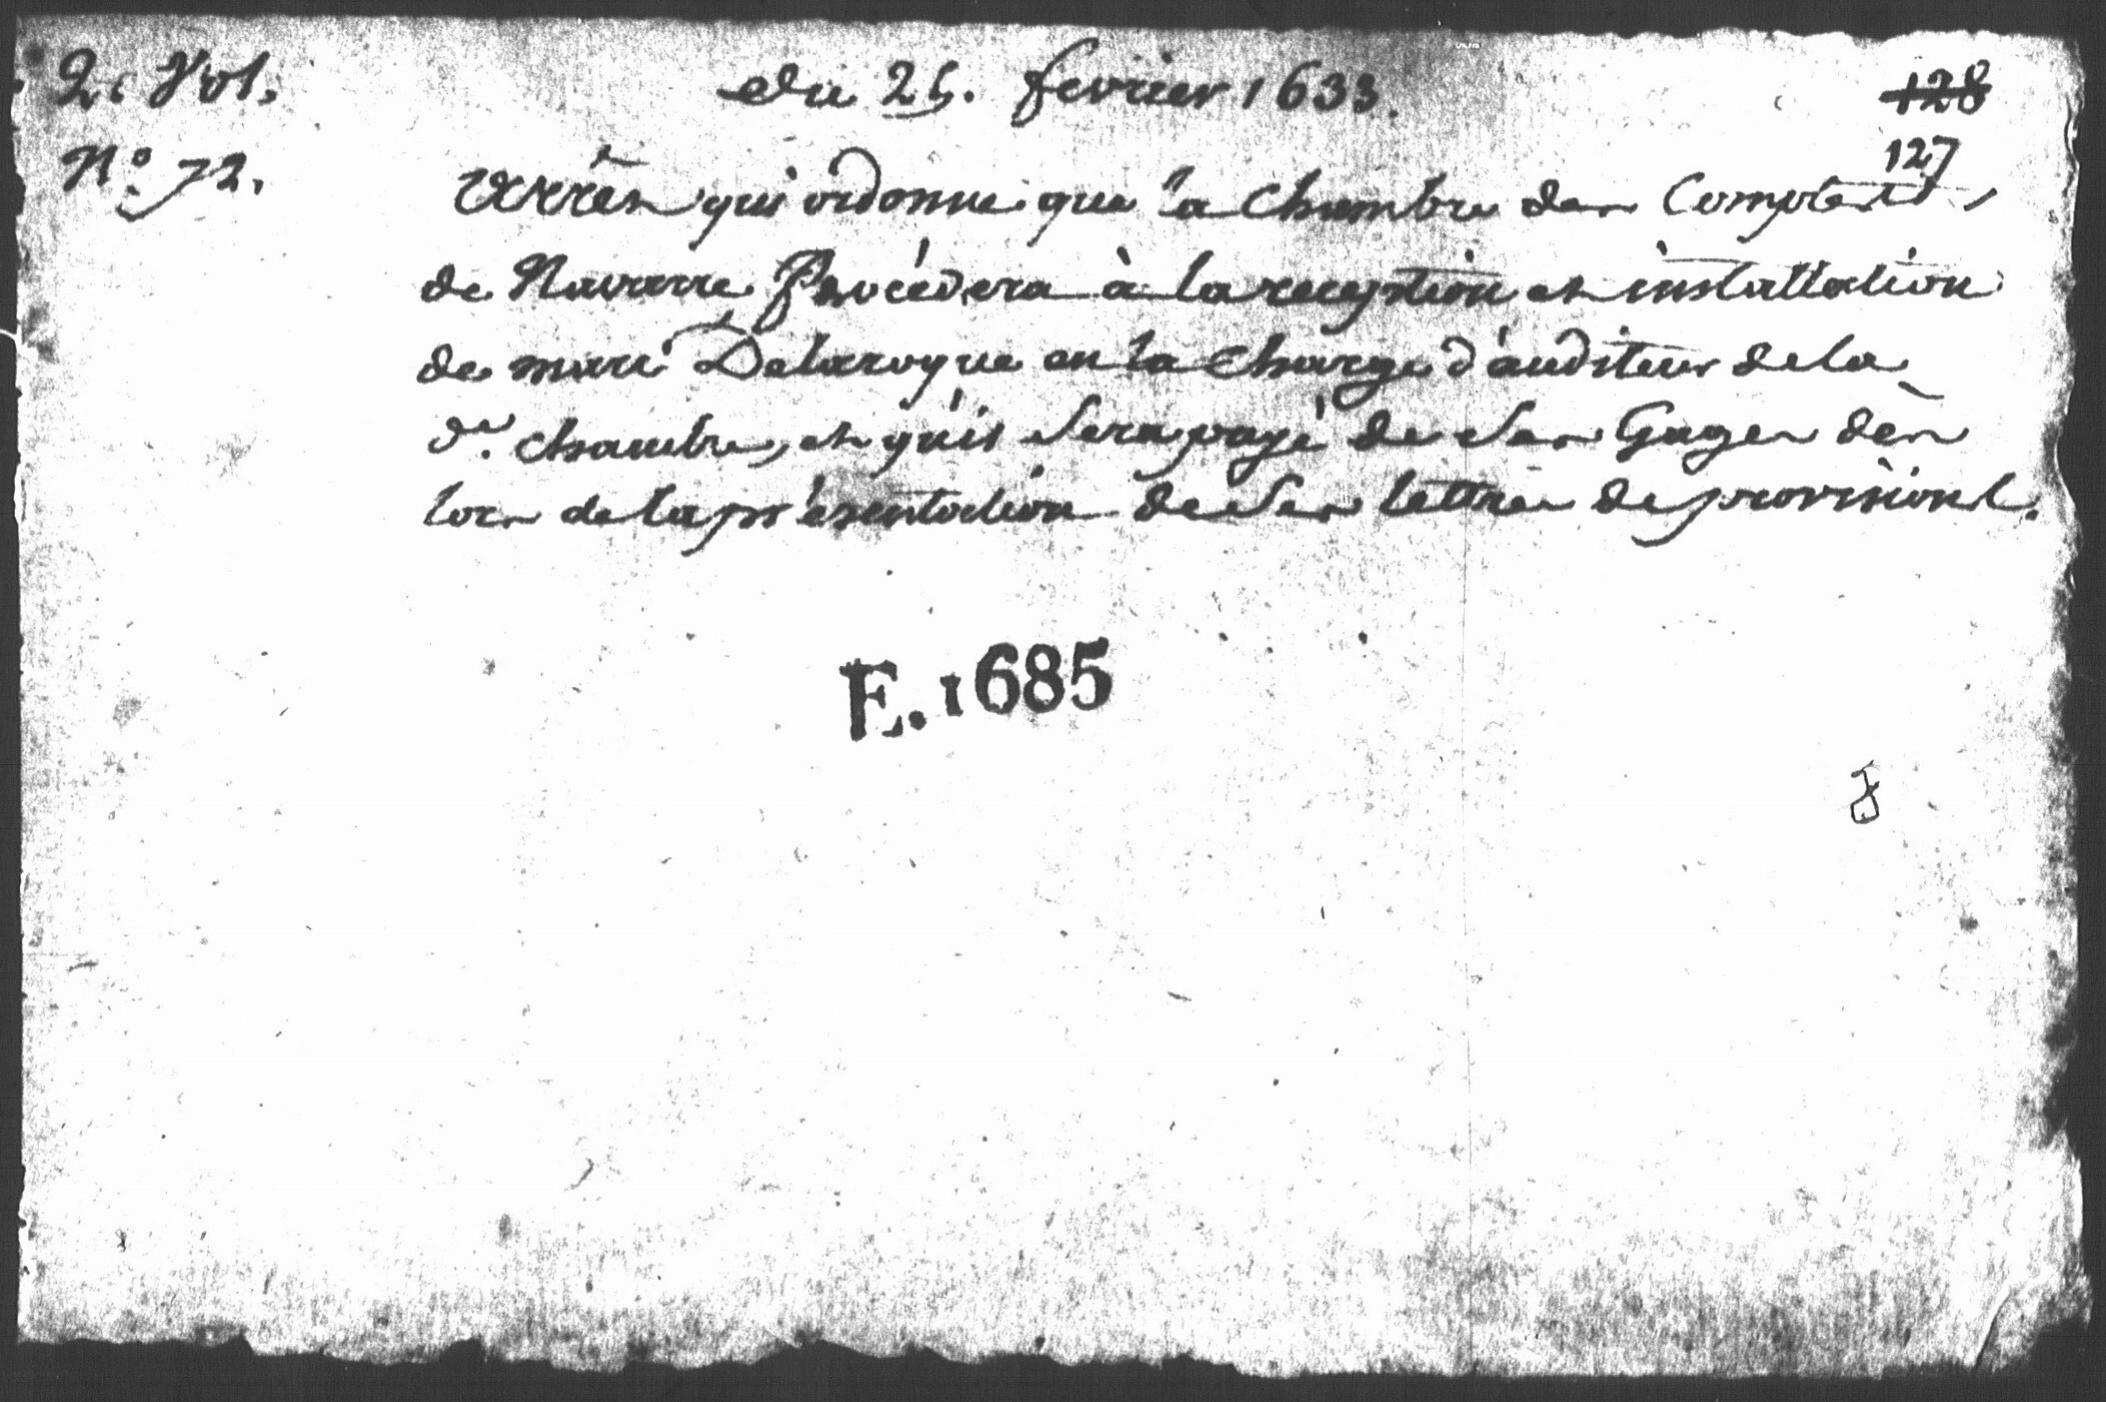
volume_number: n°72
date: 25 février 1633
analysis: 127 [128 barré]
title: Arrêt qui ordonne que la chambre des Comptes de Navarre procédera à la reception et installation de marc Delaroque en la charge d'auditeur de la d.e chambre, et qu'il sera payé de ses gages dès lors de la présentation de ses lettres de provisions.
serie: E
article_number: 1685
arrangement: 2. vol.
